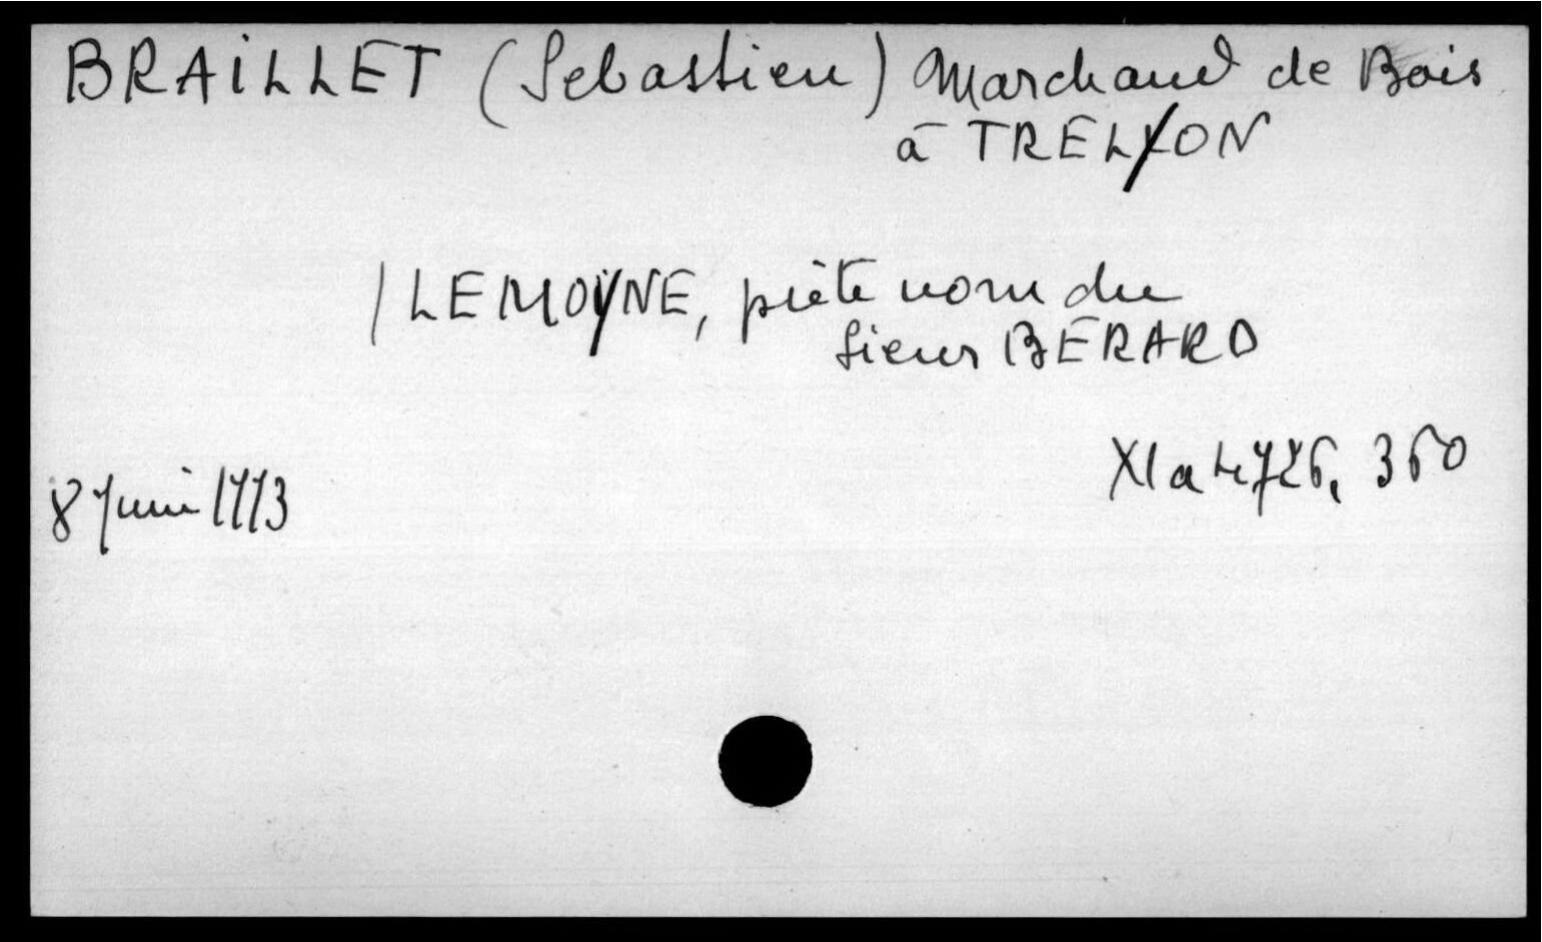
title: BRAILLET (Sébastien) Marchand de Bois à TRELON
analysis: Contre LEMOYNE, prête nom du sieur BERARD
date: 8 juin 1773
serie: X1a
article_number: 4726
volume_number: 360
